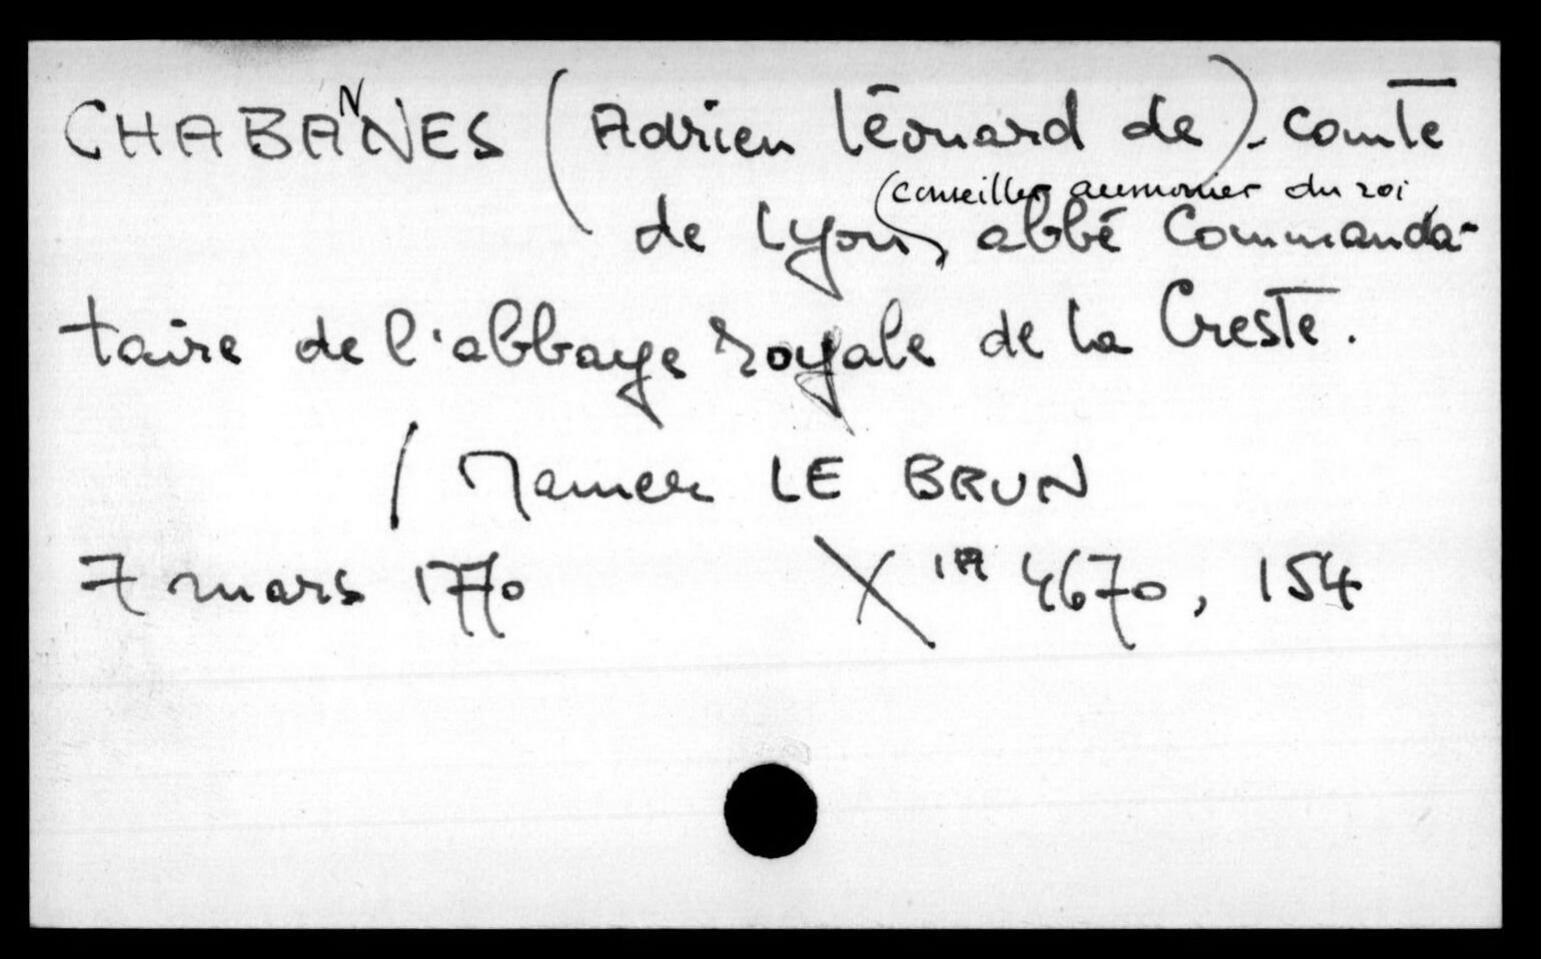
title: CHABANNES (Adrien Léonard de), comte de Lyon, conseiller aumônier du roi, abbé commandataire de l'abbaye royale de la Creste
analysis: Contre Mamer LE BRUN
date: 7 mars 1770
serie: X1A
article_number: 4670
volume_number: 154
